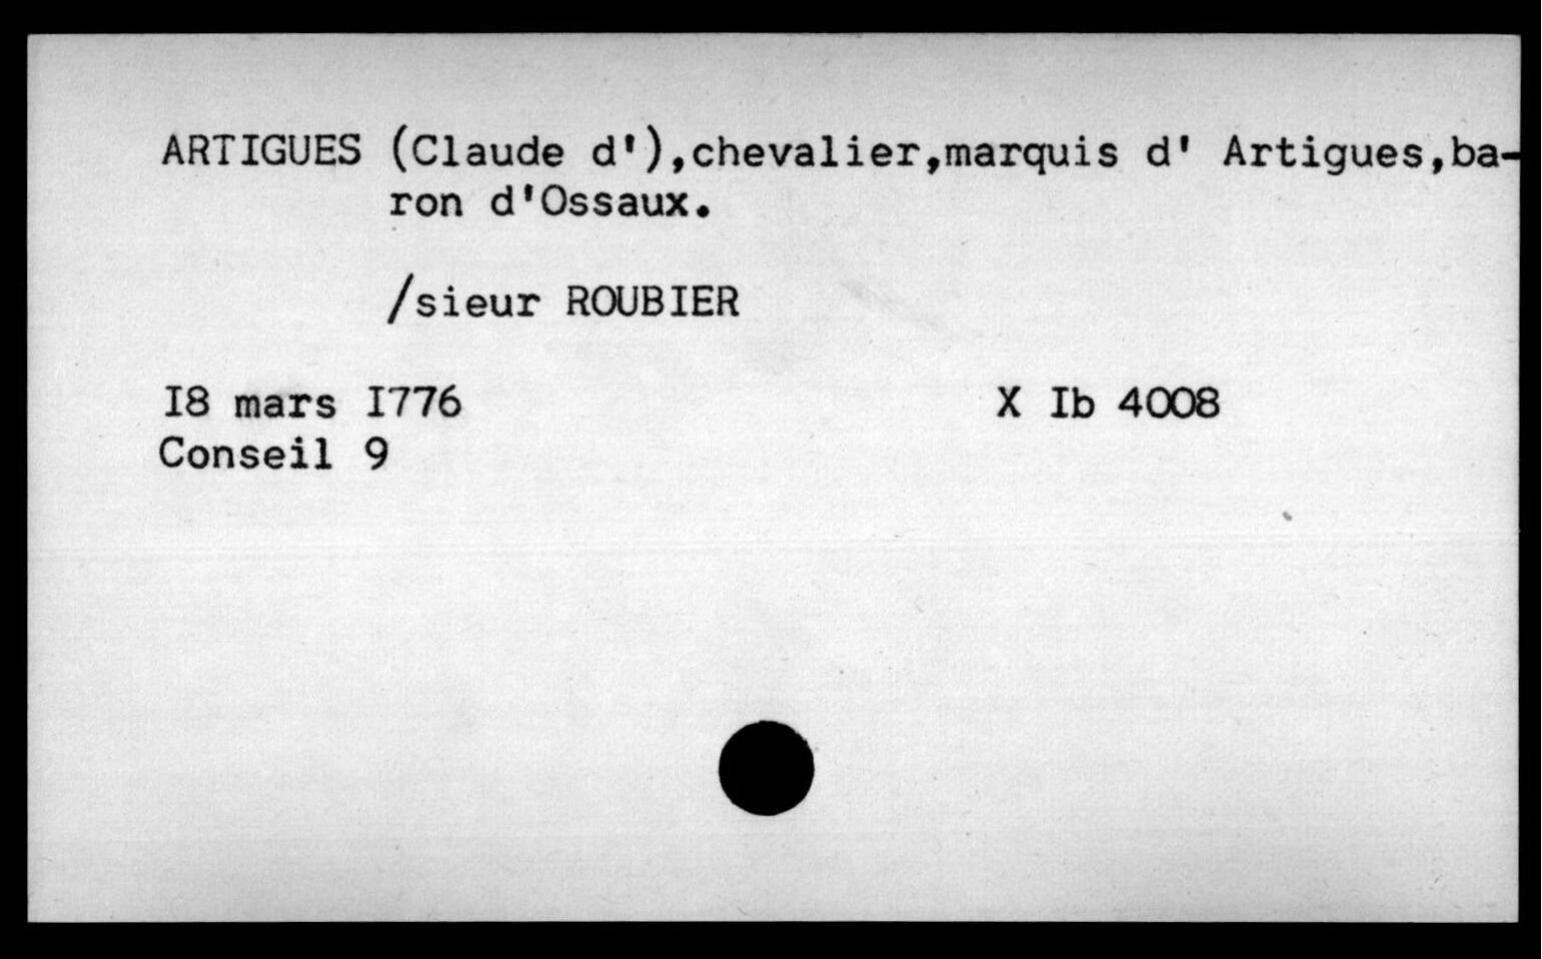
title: ARTIGUES (Claude d'), chevalier, marquis d'Artigues, baron d'Ossaux
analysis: Contre sieur ROUBIER
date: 18 mars 1776
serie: X1b
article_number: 4008
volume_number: Conseil 9
